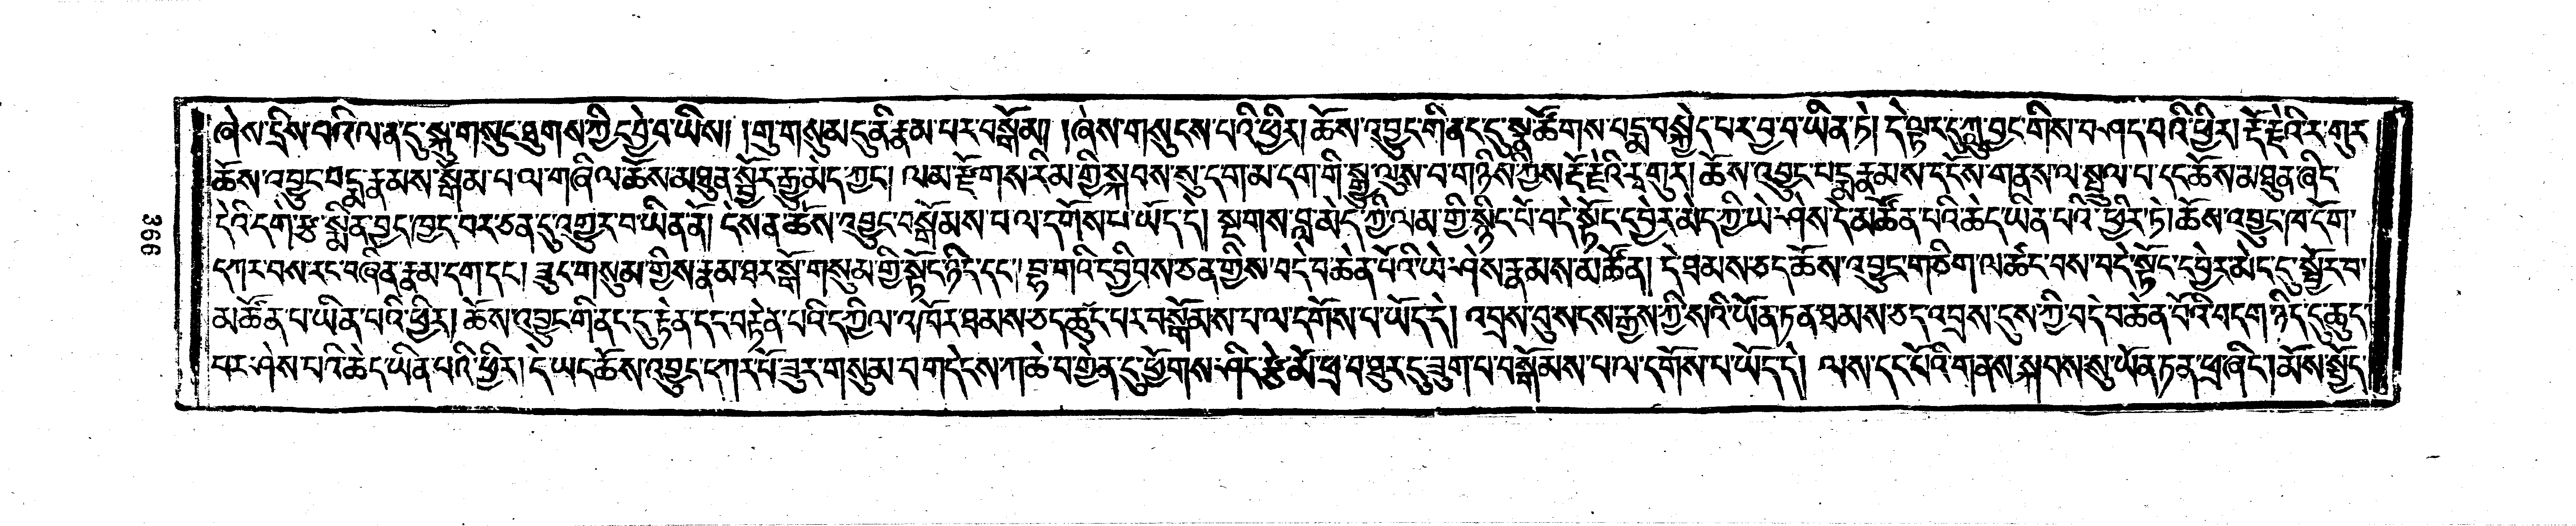ཞེས་དྲིས་པའི་ལན་དུ་སྐུ་གསུང་ཐུགས་ཀྱི་དབྱེ་བ་ཡིས། །གུ་གསུམ་དུ་ནི་རྣམ་པར་བསྒོམ། །ཞེས་གསུངས་པའི་ཕྱིར། ཆོས་འབྱུང་གི་ནང་དུ་སྣ་ཚོགས་པདམ་བསྐྱེད་པར་བྱ་བ་ཡིན་ཏེ། དེ་ལྟར་དུ་ཀླུ་བྱང་གིས་བཤད་པའི་ཕྱིར། རྡོ་རྗེའི་ར་གུར་
ཆོས་འབྱུང་པདམ་རྣམས་སྒོམ་པ་ལ་གཞི་ལ་ཆོས་མཐུན་སྦྱོར་རྒྱུ་མེད་ཀྱང་། ལམ་རྫོགས་རིམ་གྱི་སྐབས་སུ་དག་མ་དག་གི་སྒྱུ་ལུས་པ་གཉིས་ཀྱིས་རྡོ་རྗེའི་རྭ་གུར། ཆོས་འབྱུང་པདམ་རྣམས་དངོས་གནས་ལ་སྤྲུལ་པ་དང་ཆོས་མཐུན་ཞིང་།
དེའི་དགེ་རྩ་སྨིན་བྱེད་ཁྱད་པར་ཅན་དུ་འགྱུར་བ་ཡིན་ནོ། དེས་ན་ཆོས་འབྱུང་བསྒོམས་པ་ལ་དགོས་པ་ཡོད་དེ། སྔགས་བླ་མེད་ཀྱི་ལམ་གྱི་སྙིང་པོ་བདེ་སྟོང་དབྱེར་མེད་ཀྱི་ཡེ་ཤེས་དེ་མཚོན་པའི་ཆེད་ཡིན་པའི་ཕྱིར་ཏེ། ཆོས་འབྱུང་ཁ་དོག་
དཀར་བས་རང་བཞིན་རྣམ་དག་དང་། ཟུར་གསུམ་གྱིས་རྣམ་ཐར་སྒོ་གསུམ་གྱི་སྟོང་ཉིད་དང་། བྷ་གའི་དབྱིབས་ཅན་གྱིས་བདེ་བ་ཆེན་པོའི་ཡེ་ཤེས་རྣམས་མཚོན། དེ་ཐམས་ཅད་ཆོས་འབྱུང་གཅིག་ལ་ཚང་བས་བདེ་སྟོང་དབྱེར་མེད་དུ་སྦྱོར་བ་
མཚོན་པ་ཡིན་པའི་ཕྱིར། ཆོས་འབྱུང་གི་ནང་དུ་རྟེན་དང་བརྟེན་པའི་དཀྱིལ་འཁོར་ཐམས་ཅད་ཆུང་པར་བསྒོམས་པ་ལ་དགོས་པ་ཡོད་དེ། འབྲས་བུ་སངས་རྒྱས་ཀྱི་སའི་ཡོན་ཏན་ཐམས་ཅད་འབྲས་དུས་ཀྱི་བདེ་བ་ཆེན་པོའི་བདག་ཉིད་དུ་ཆུང་
པར་ཤེས་པའི་ཆེད་ཡིན་པའི་ཕྱིར། དེ་ཡང་ཆོས་འབྱུང་དཀར་པོ་ཟུར་གསུམ་པ་གདེངས་ཀ་ཆེ་བ་གྱེན་དུ་ཕྱོགས་ཤིང་རྩེ་མོ་ཕྲ་བ་ཐུར་དུ་ཟུག་པ་བསྒོམས་པ་ལ་དགོས་པ་ཡོད་དེ། ལས་དང་པོའི་གནས་སྐབས་སུ་ཡོན་ཏན་ཕྲ་ཞིང་། མོས་སྤྱོད་